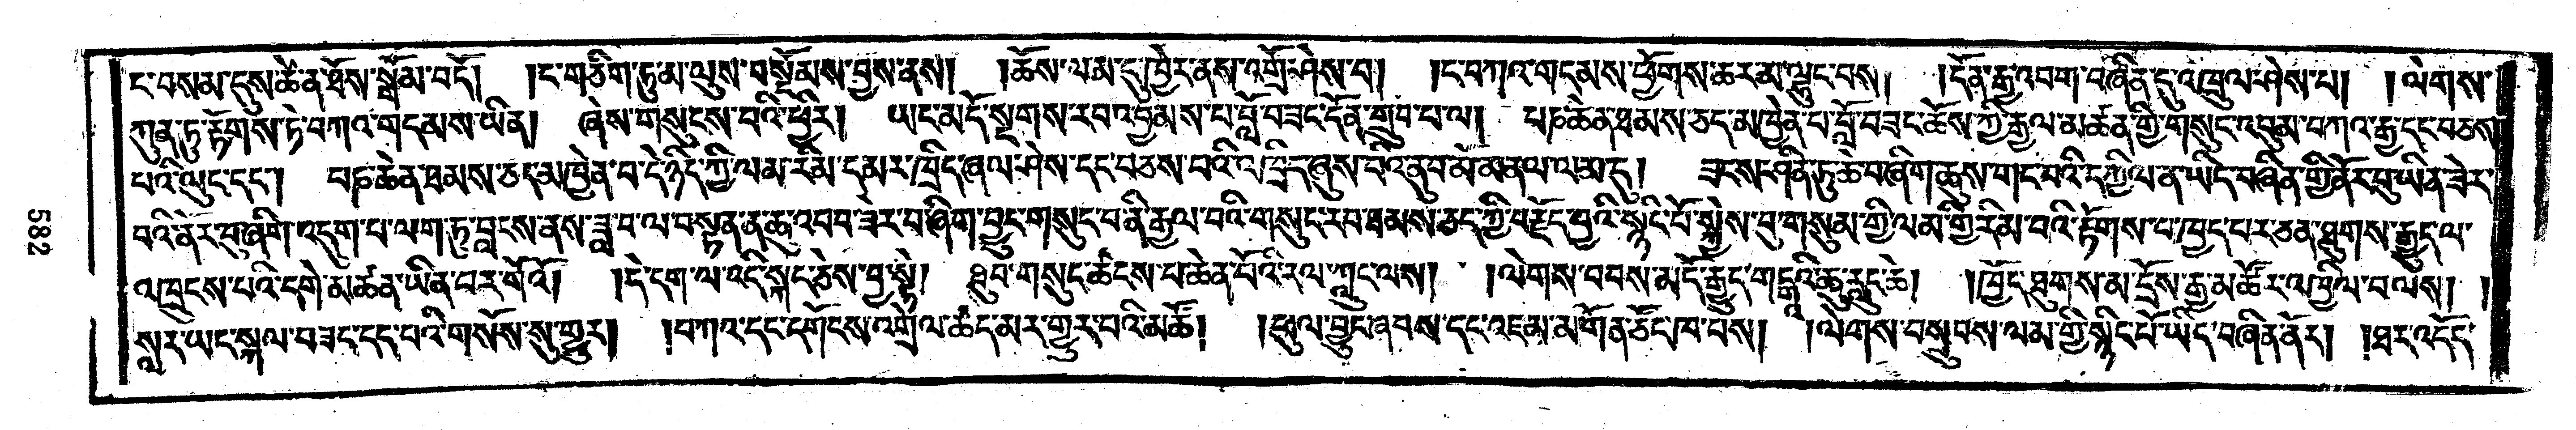ང་བསམ་དུས་ཚེ་ན་ཐོས་སྒོམ་བདོ། །ང་གཅིག་ཏུ་མ་ལུས་བསྔོམས་བྱས་ནས། །ཆོས་ལམ་དུ་ཁྱེར་ནས་འགྲོ་ཤེས་པ། །ང་བཀའ་གདམས་ཕྱོགས་ཆར་མ་ལྷུང་བས། །དོན་རྒྱ་འབག་བཞིན་དུ་འཁྲུལ་ཤེས་པ། །ལེགས་
ཀུན་ཏུ་རྟོགས་ཏེ་བཀའ་གདམས་ཡིན། ཞེས་གསུངས་པའི་ཕྱིར། ཡང་མདོ་སྔགས་རབ་འབྱམས་པ་བློ་བཟང་དོན་གྲུབ་པ་ལ། པཎ་ཆེན་ཐམས་ཅད་མཁྱེན་པ་བློ་བཟང་ཆོས་ཀྱི་རྒྱལ་མཚན་གྱི་གསུང་འབུམ་བཀའ་རྒྱ་དང་བཅས་
པའི་ལུང་དང་། པཎ་ཆེན་ཐམས་ཅད་མཁྱེན་པ་དེ་ཉིད་ཀྱི་ལམ་རིམ་དམར་ཁྲིད་ཞལ་ཤེས་དང་བཅས་པའི་འཁྲིད་ཞུས་བའི་ནུབ་མོ་མནལ་ལམ་དུ། ཟངས་ཤིན་ཏུ་ཆེ་བ་ཞིག་ཆུས་གང་བའི་དཀྱིལ་ན་ཡིད་བཞིན་གྱི་ནོར་བུ་ཡིན་ཟེར་
བའི་ནོར་བུ་ཞིག་འདུག་པ་ལག་ཏུ་བླངས་ནས་ཟླ་བ་ལ་བསྟན་ན་ཆུ་འབབ་ཟེར་བ་ཞིག་བྱུང་གསུང་བ་ནི་རྒྱལ་བའི་གསུང་རབ་ཐམས་ཅད་ཀྱི་བརྗོད་བྱའི་སྙིང་པོ་སྐྱེས་བུ་གསུམ་གྱི་ལམ་གྱི་རིམ་པའི་རྟོགས་པ་ཁྱད་པར་ཅན་ཐུགས་རྒྱུད་ལ་
འཁྲུངས་པའི་དགེ་མཚན་ཡིན་པར་གོའོ། །དེ་དག་ལ་འདི་སྐད་ཅེས་བྱ་སྟེ། ཐུབ་གསུང་ཚངས་པ་ཆེན་པོའི་རལ་ཀླུང་ལས། །ལེགས་བབས་མདོ་རྒྱུད་གངྒའི་ཆུ་རླུང་ཆེ། །ཁྱོད་ཐུགས་མ་དྲོས་རྒྱ་མཚོར་འཁྱིལ་བ་ལས། །
སླར་ཡང་སྐལ་བཟང་དད་པའི་གསོས་སུ་གྱུར། །བཀའ་དང་དགོངས་འགྲེལ་ཚད་མར་གྱུར་བའི་མཚོ། །ཕུལ་བྱུང་ཞབས་དང་འཇམ་མགོན་ཙོང་ཁ་པས། །ལེགས་བསྲུབས་ལམ་གྱི་སྙིང་པོ་ཡིད་བཞིན་ནོ། །ཐར་འདོད་